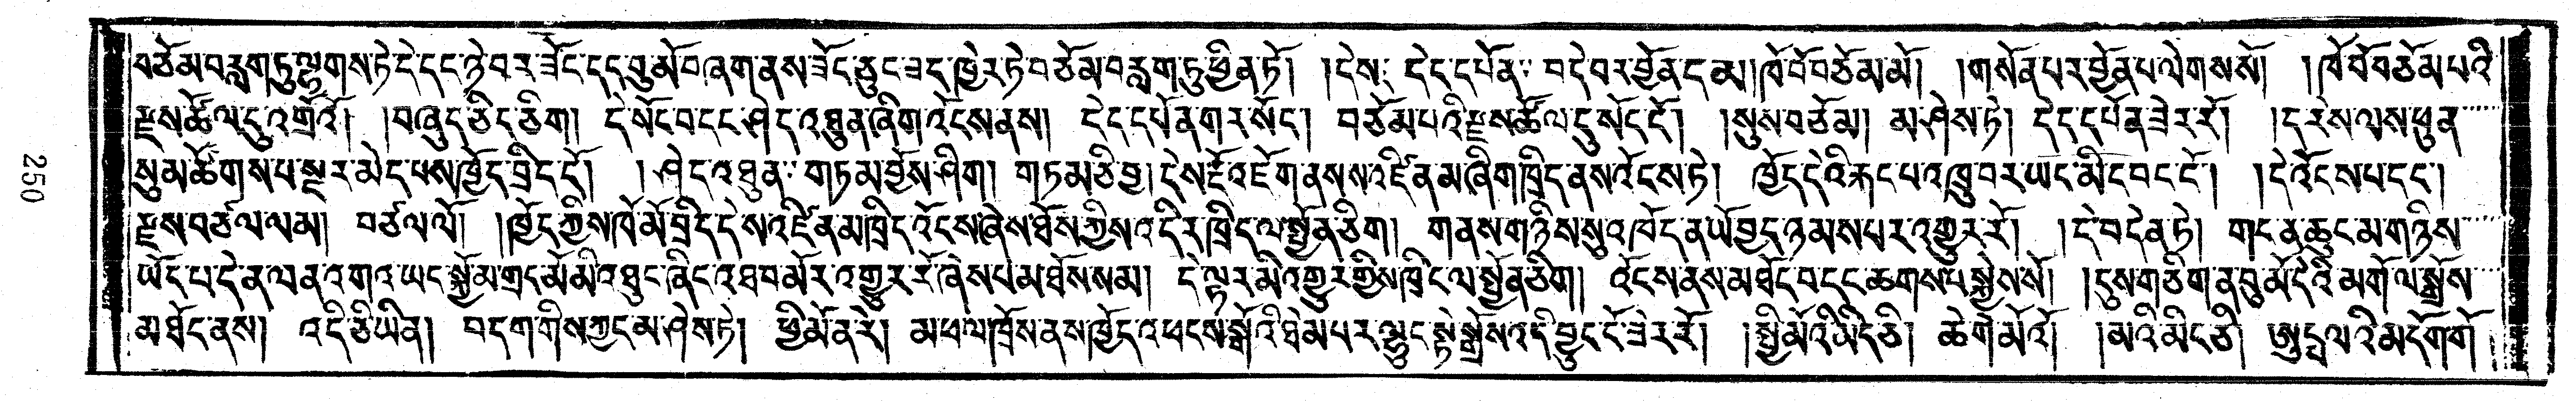བཅོམ་བརླག་ཏུ་ལྷགས་ཏེ་དེ་དང་ཉེ་བར་ཟོང་དད་བུ་མོ་བཞག་ནས་ཟོང་ཅུང་ཟད་ཁྱེར་ཏེ་བཅོམ་བརླག་ཏུ་ཕྱིན་ཏོ། །དེས༑ དེད་དཔོན་བདེ་བར་བྱོན་དམ་།ཁོ་བོ་བཅོམ་མོ། །གསོན་པར་བྱོན་པ་ལེགས་སོ། །ཁོ་བོ་བཅོམ་པའི་
རྫས་ཚོལ་དུ་འགྲོའོ། །བཞུད་ཅིང་ཅིག། དེ་སོང་བ་དང་ཤེད་འཐུན་ཞིག་འོངས་ནས། དེད་དཔོན་གར་སོང་། བཅོམ་པའི་རྫས་ཚོལ་དུ་སོང་ངོ། །སུས་བཅོམ། མ་ཤེས་ཏེ། དེད་དཔོན་ཟེར་རོ། །ད་རེས་ལས་ཕུན་
སུམ་ཚོགས་པ་སྔར་མེད་པས་ཁྱོད་བྲིང་ངོ། །ཤེད་འཐུན་གཏམ་བྱོས་ཤིག། གཏམ་ཅི་བྱ། དེས་རྡོ་འཇོག་ནས་ས་འཛིན་མ་ཞིག་ཁྲིད་ནས་འོངས་ཏེ། ཁྱོད་དེའི་རྐང་པ་འཁྲུ་བར་ཡང་མི་དབང་ངོ། །དེ་འོངས་པ་དང་།
རྫས་བཙལ་ལམ། བཙལ་ལོ། །ཁྱོད་ཀྱིས་ཁོ་མོ་བྲིད་དེ་ས་འཛིན་མཁྲིད་འོངས་ཞེས་ཐོས་ཀྱིས་འདིར་ཁྲིད་ལ་སྦྱོན་ཅིག། གནས་གཉིས་སུ་འཁོད་ན་ཡོ་བྱད་ཉམས་པར་འགྱུར་རོ། །དེ་བདེན་ཏེ། གང་ན་ཆུང་མ་གཉིས་
ཡོད་པ་དེ་ན་ལན་འགའ་ཡང་སྐྱོ་མ་གྲང་མོ་མི་འཐུང་ཞིང་འཐབ་མོར་འགྱུར་རོ་ཞེས་པ་མ་ཐོས་སམ། དེ་ལྟར་མི་འགྱུར་གྱིས་ཁྲིང་ལ་སྤྱོན་ཅིག། འོངས་ནས་མཐོང་བ་དང་ཆགས་པ་སྐྱེས་སོ། །དུས་གཅིག་ན་བུ་མོ་དེའི་མགོ་ལ་སྒྲོས་
མཐོང་ནས། འདི་ཅི་ཡིན། བདག་གིས་ཀྱང་མ་ཤེས་ཏེ། ཕྱི་མོ་ན་རེ། མ་ཕ་ལ་ཁྲོས་ནས་ཁྱོད་འཕངས་སྒོའི་ཐེམ་པར་ལྷུང་སྟེ་སྒྲོས་འདི་བྱུང་ངོ་ཟེར་རོ། །སྤྱི་མོའི་མིད་ཅི། ཆེ་གེ་མོའོ། །མའི་མིང་ཅི། ཨུདཔ་ལའི་མདོག་གོ །